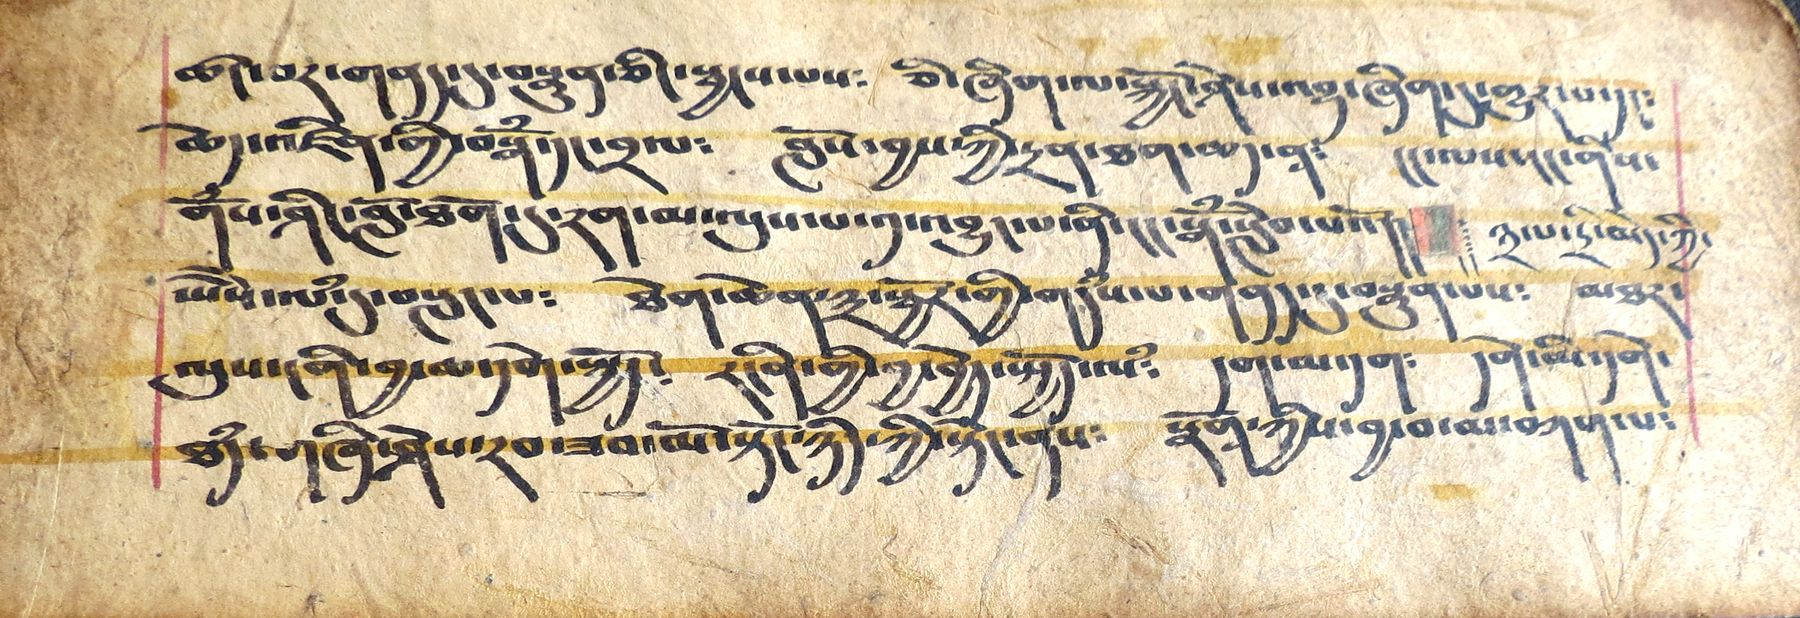ཚང་བ་གནད་དུ་བསྣུན་ཅིང་སྦྱངས་པས། ཅི་ཞིག་ལ་སྐྱོང་ཞེས་འབའ་ཞིག་ཏུ་གྱུར་པ་དང་། 
ཆེད་འཛིན་གྱི་སྒོམ་དང་བྲལ། བློས་བྱས་ཀྱི་དྲན་ཐག་བཅད་ནས། ངང་ལ་ངང་གིས་
བསྒོམ་ཞིང་བློ་ཐོག་ཏུ་རགས་མ་ལུས་པ་ཞིག་འབྱུང་ངོ་། ། གསུམ་པ་དྲི་མེད་ཀྱི་
ཡེ་ཤེས་ལམ་དུ་སླང་བ་ཐེག་ཆེན་གསུམ་སྦྱོར་གྱི་གདམས་པ་གནད་དུ་བསྣུན་པའི། མཐར་
ལུས་ངག་གི་བྱ་ཆ་དགེ་སྤྱོད། རང་བཞིན་གྱི་བྱ་བྱེད་སྤྱོད་ལམ་དག་མ་དག་དགེ་མི་དགེ་
ཐམས་ཅད་གཞི་ཤེས་རབ་ཟབ་མོ་སྟོང་ཉིད་ཀྱི་སྟེང་ནས་སྣ་ཚོགས་ཀྱི་བྱ་བ་མ་བཀག་པ།